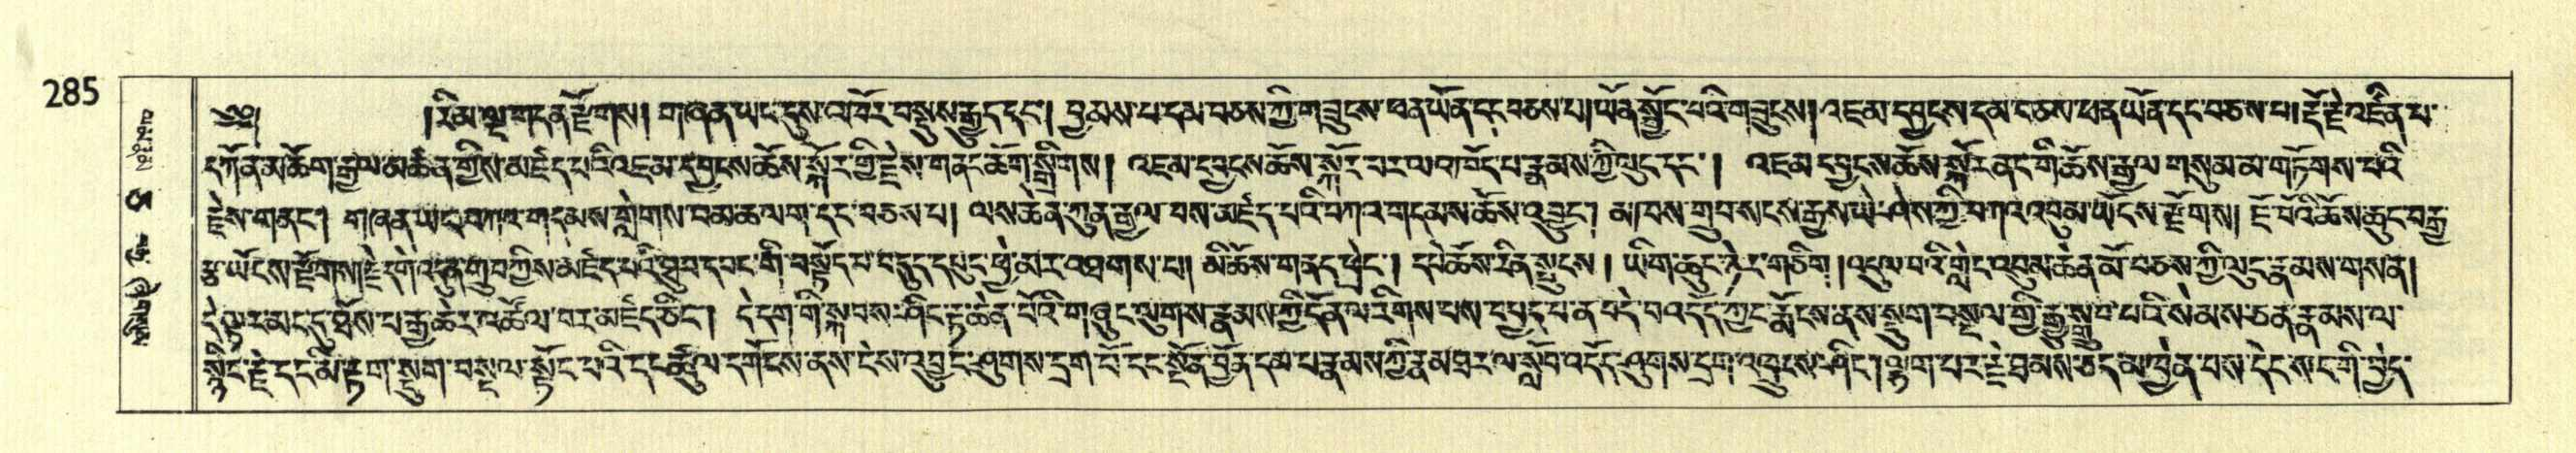༄༅། །རིམ་ལྔ་གདན་རྫོགས། གཞན་ཡང་དུས་འཁོར་བསྡུས་རྒྱུད་དང་། བྱམས་པ་དམ་བཅས་ཀྱི་གཟུངས་ཕན་ཡོན་དང་བཅས་པ། ཡོན་སྦྱོང་པའི་གཟུངས། འཇམ་དབྱངས་དམ་བཅས་ཕན་ཡོན་དང་བཅས་པ། རྡོ་རྗེ་འཛིན་པ་
དཀོན་མཆོག་རྒྱལ་མཚན་གྱིས་མཛད་པའི་འཇམ་དབྱངས་ཆོས་སྐོར་གྱི་རྗེས་གནང་ཆོག་སྒྲིགས། འཇམ་དབྱངས་ཆོས་སྐོར་པར་ལ་འཁོད་པ་རྣམས་ཀྱི་ལུང་དང་། འཇམ་དབྱངས་ཆོས་སྐོར་ནང་གི་ཆོས་རྒྱལ་གསུམ་མ་གཏོགས་པའི་
རྗེས་གནང་། གཞན་ཡང་བཀའ་གདམས་གླེགས་བམ་ཆ་ལག་དང་བཅས་པ། ལས་ཆེན་ཀུན་རྒྱལ་བས་མཛད་པའི་བཀའ་གདམས་ཆོས་འབྱུང་། མཁས་གྲུབ་སངས་རྒྱས་ཡེ་ཤེས་ཀྱི་བཀའ་འབུམ་ཡོངས་རྫོགས། ཇོ་བོའི་ཆོས་ཆུང་བརྒྱ་
རྩ་ཡོངས་རྫོགས། རྗེ་དགེ་འདུན་གྲུབ་ཀྱིས་མཛད་པའི་ཐུབ་དབང་གི་བསྟོད་པ་བདུད་དཔུང་ཕྱེ་མར་འཐགས་པ། མི་ཆོས་གནད་ཕྲེང་། དཔེ་ཆོས་རིན་སྤུངས། ཡིག་ཆུང་ཉེར་གཅིག །འདུལ་བའི་གླེང་འབུམ་ཆེན་མོ་བཅས་ཀྱི་ལུང་རྣམས་གསན།
དེ་ལྟར་མང་དུ་ཐོས་པར་གྱ་ཆེར་འཚོལ་བར་མཛད་ཅིང་། དེ་དག་གི་སྐབས་ཤིང་རྟ་ཆེན་པོའི་གཞུང་ལུགས་རྣམས་ཀྱི་དོན་ལ་རིགས་པས་དཔྱད་པ་ན་བདེ་བ་འདོད་ཀྱང་རྨོངས་ནས་སྡུག་བསྔལ་གྱི་རྒྱུ་སྒྲུབ་པའི་སེམས་ཅན་རྣམས་ལ་
སྙིང་རྗེ་དང་མི་རྟག་སྡུག་བསྔལ་སྟོང་པའི་དང་ཚུལ་དགོངས་ནས་ངེས་འབྱུང་ཤུགས་དྲག་བོ་དང་སྔོན་བྱོན་དམ་པ་རྣམས་ཀྱི་རྣམ་ཐར་ལ་སློབ་འདོད་ཤུགས་དྲག་འཁྲུངས་ཤིང་། ལྷག་པར་རྗེ་ཐམས་ཅད་མཁྱེན་པས་དེང་སང་གི་བྱེད་